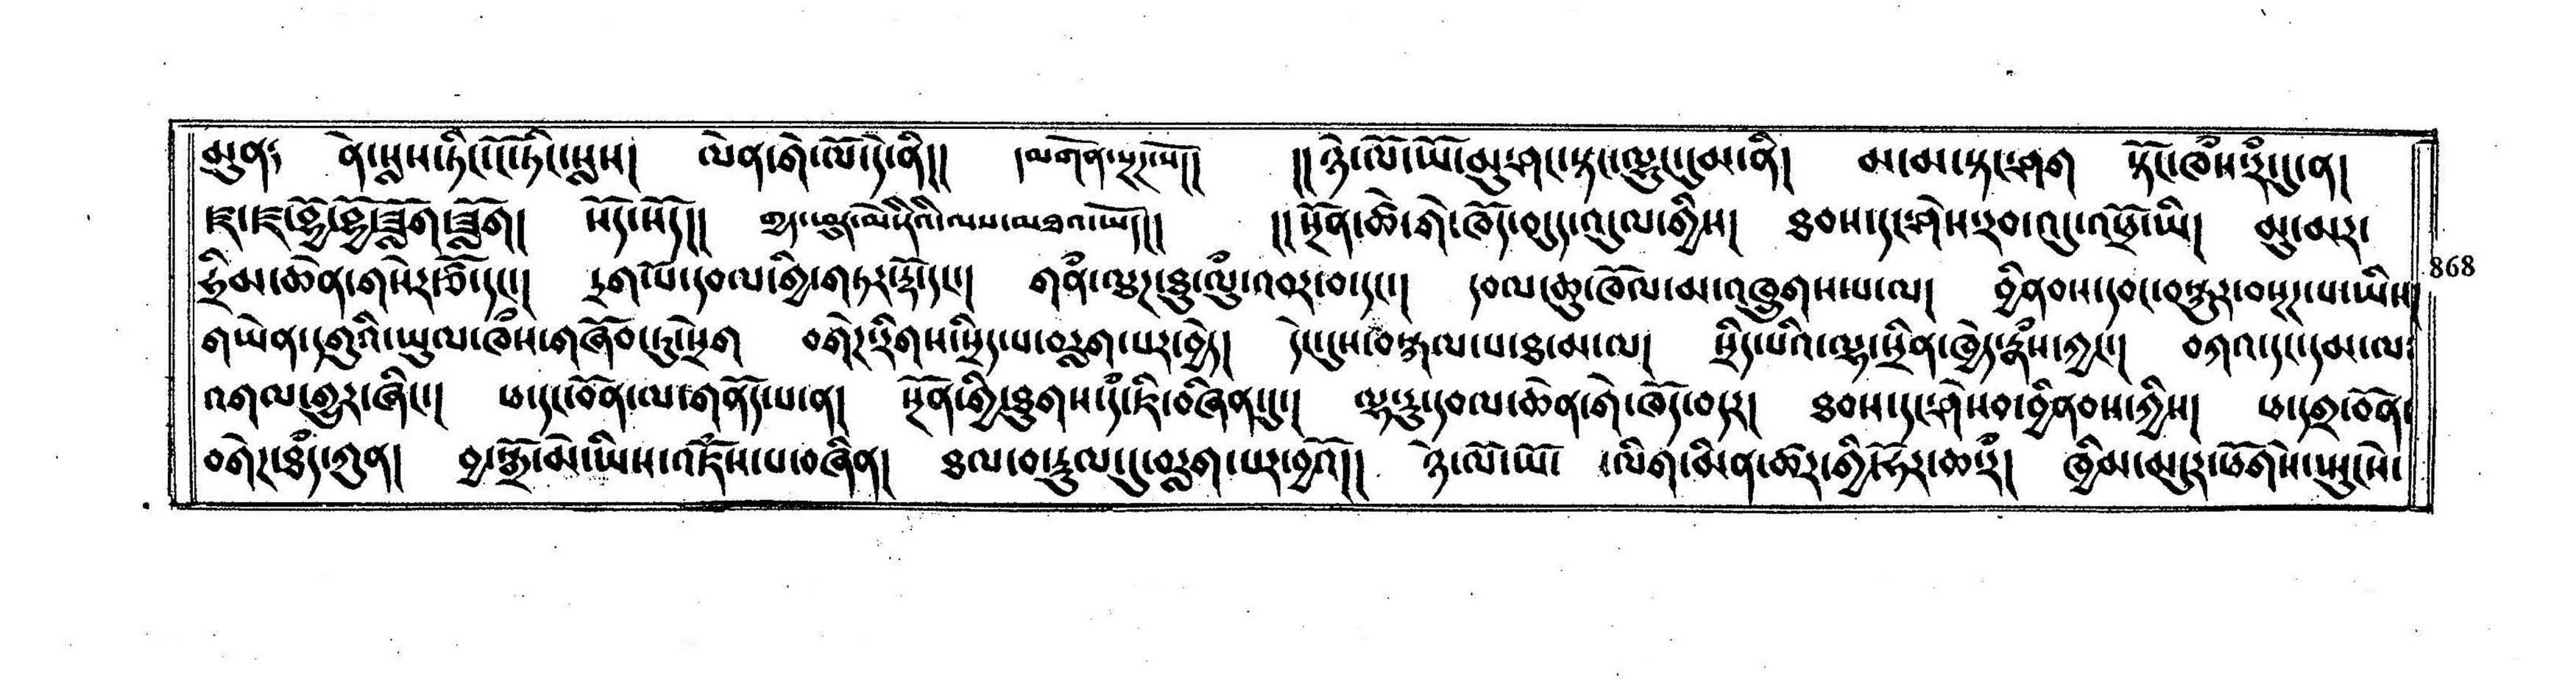མུན། ནེ་སླས་ཏིང་ངོ་ཏིང་སླས། ལེན་གེ་ལོ་དེ་ནི།། དམག་དཔོན་སྔགས་སོ།། །།ཉེ་ལོ་ཡོ་མུ་ཤང་སྟང་ལྷུང་དུམ་ནི། མ་མ་སྟང་ཤག སྟོང་ཁམས་རཾ་དུ་ན། 
ཛ་ཛ་བྷྱོ་བྷྱོ་ཟློག་ཟློག སོད་སོད།། གྱད་ཕུར་མེ་རིའི་ལས་མཐའ་ཡོད།། །།སྔོན་ཚེ་གེ་ཁོད་བདུད་འདུལ་གྱིས། ཐབས་དང་ཤེས་རབ་འདུ་འཕྲོ་ཡི། མུ་མར་
ཧྲིམ་ཆེན་གསེར་ཙོ་དང་། དྲག་པོ་དབལ་གྱི་གཏར་རྡོ་དང་། གནམ་ལྕགས་ཐུ་ལུམ་འབར་བ་དང་། དབལ་ཆུ་ཁོལ་མ་འཁྲུགས་པ་ལ། བྱིན་རླབས་དབང་བསྐུར་བསྔགས་པ་ཡིས། 
གཡེན་དགུའི་ཡུལ་ཁམས་གཞོབ་ཏུ་སྲེག བགེགས་རིགས་སྲིད་པ་བརླག་པར་བྱེད། དེང་དུས་བསྐལ་པ་ཐ་མ་ལ། སྲིད་པའི་ལྷ་སྲིན་ཁྱེད་རྣམས་ཀྱང་། བཀའ་དང་དམ་ལ་
འགལ་གྱུར་ཞིང་། ཕ་དང་བོན་ལ་གནོད་པ་ན། སྔོན་གྱི་ཐུགས་དམ་ཇི་བཞིན་དུ། ལྷ་རུ་དབལ་ཆེན་གེ་ཁོད་བདར། ཐབས་དང་ཤེས་རབ་བྱིན་རླབས་ཀྱིས། ཕ་དགྲ་བོན་
བགེགས་ཐམས་ཅད་ཀུན། བྱ་སྒྲོ་མེ་ཡིས་འཇོམས་པ་བཞིན། ཐལ་བ་རྡུལ་དུ་བརླག་པར་བྱའོ།། ཉེ་ལོ་ཡོ་ལིག་མིན་ཚར་གྱི་ཧོར་ཆ་རཾ། ཁྱིམ་མདུར་ཕོགསེ་སྤུངསེ་